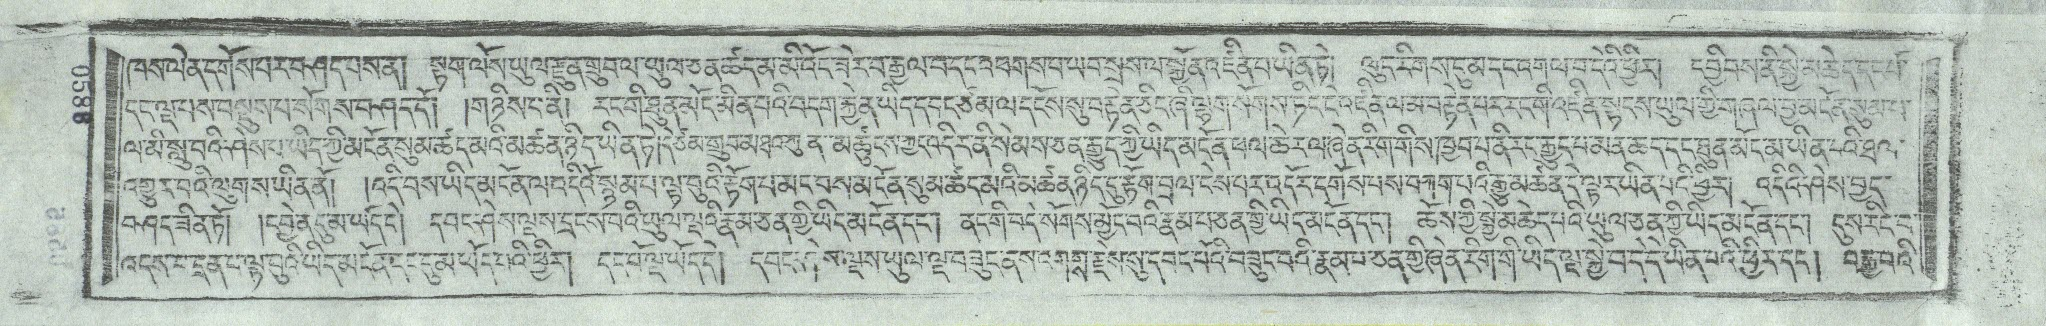ཁས་ལེན་དགོས་པར་བཤད་པས་ན། སྟག་ལོས་ཡུལ་རྫུན་གྲུབ་ལ་ཡུལ་ཅན་ཚད་མ་མི་འོད་ཟེར་བ་རྒྱལ་བ་དང་འཕགས་པ་ཡབ་སྲས་ལ་སྐྱོན་འཛིན་པ་ཡིན་ཏེ། ལུང་རིགས་དུ་མ་དང་འགལ་བ་དེའི་ཕྱིར། དབྱིབས་ནི་སྐྱེ་མཆེད་དང་པོ་
དང་ལྔ་པས་བསྡུས་པ་སོགས་བཤད་དོ། །གཉིས་པ་ནི། རང་གི་ཐུན་མོང་མིན་པའི་བདག་རྐྱེན་ཡིད་དབང་ཙམ་ལ་དངོས་སུ་བརྟེན་ཅིང་ཞི་ལྷག་སོགས་ཏིང་ངེ་འཛིན་ལ་མ་བརྟེན་པར་རང་གི་འཛིན་སྟངས་ཡུལ་གྱི་གཞལ་བྱ་མངོན་སུམ་པ་
ལ་མི་སླུ་བའི་ཤེས་པ་ཡིད་ཀྱི་མངོན་སུམ་ཚད་མའི་མཚན་ཉིད་ཡིན་ཏེ། དེ་ཙམ་གྲུབ་མཐའ་ཀུན་མཚུངས་ཀྱང་འདིར་ནི་སེམས་ཅན་རྒྱུད་ཀྱི་ཡིད་མངོན་ཕལ་ཆེར་ལ་ཞེན་རིག་གིས་ཁྱབ་པ་ནི་རང་རྒྱུད་པ་མན་ཆད་དང་ཐུན་མོང་མ་ཡིན་པའི་ཐལ་
འགྱུར་བའི་ལུགས་ཡིན་ནོ། །འདི་བས་ཡིད་མངོན་ལ་འདིའོ་སྙམ་པ་ལྟ་བུའི་རྟོག་པ་མང་བས་མངོན་སུམ་ཚད་མའི་མཚན་ཉིད་དུ་རྟོག་བྲལ་ངེས་པར་འདོར་དགོས་པས་བཀག་པའི་རྒྱུ་མཚན་དེ་ལྟར་ཡིན་པའི་ཕྱིར། འདིའི་ཤེས་བྱད་
བཤད་ཟིན་ཏོ། །དབྱེ་ན་དུ་མ་ཡོད་དེ། དབང་ཤེས་ལྔས་དྲངས་པའི་ཡུལ་ལྔའི་རྣམ་ཅན་གྱི་ཡིད་མངོན་དང་། ནང་གི་བདེ་སོགས་མྱོང་བའི་རྣམ་པ་ཅན་གྱི་ཡིད་མངོན་དང་། ཆོས་ཀྱི་སྐྱེ་མཆེད་པའི་ཡུལ་ཅན་ཀྱི་ཡིད་མངོན་དང་། དུས་རིང་བ་
འདས་པ་དྲན་པ་ལྟ་བུའི་ཡིད་མངོན་དང་དུ་མ་ཡོད་པའི་ཕྱིར། དང་པོ་ལྔ་ཡོད་དེ། དབང་ཤེས་ལྔས་ཡུལ་ལྔ་བཟུང་ནས་འགགས་རྗེས་སུ་དབང་པོའི་བཟུང་བའི་རྣམ་པ་ཅན་གྱི་ཞེན་རིག་གི་ཡིད་ལྔ་སྐྱེ་བ་དེ་དེ་ཡིན་པའི་ཕྱིར་དང་། བརྒྱ་བའི་